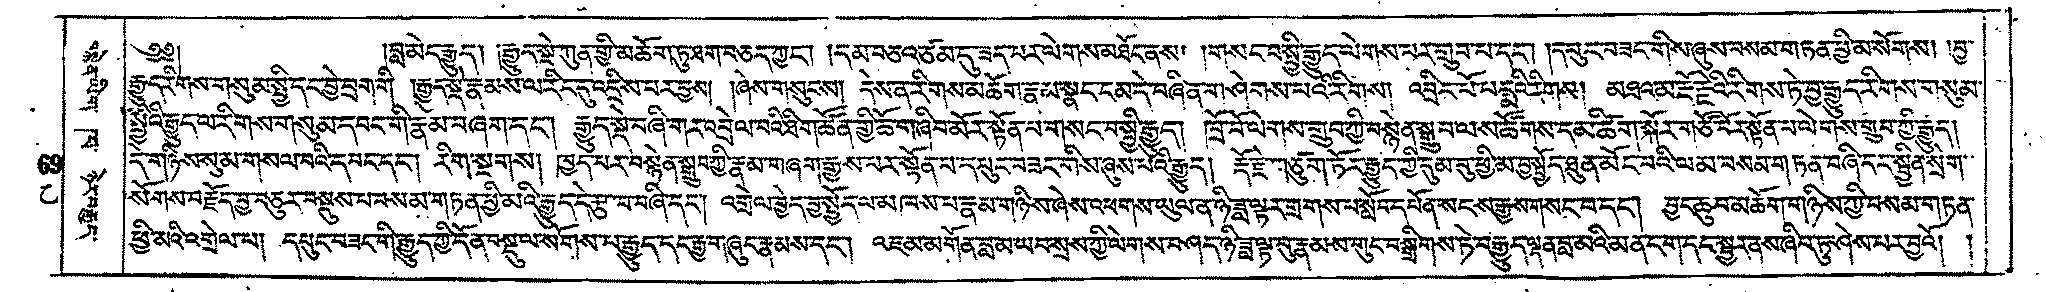༄༅། །བླ་མེད་རྒྱུད། །རྒྱུད་སྡེ་ཀུན་གྱི་མཆོག་ཏུ་ཐག་བཅད་ཀྱང་། །དམ་བཅའ་ཙམ་དུ་ཟད་པར་ལེགས་མཐོང་ནས། །གསང་བ་སྤྱི་རྒྱུད་ལེགས་པར་གྲུབ་པ་དང་། །དཔུང་བཟང་གིས་ཞུས་བསམ་གཏན་ཕྱི་མ་སོགས། །བྱ་
རྒྱུད་རིགས་གསུམ་སྤྱི་དང་བྱེ་བྲག་གི །རྒྱུད་སྡེ་རྣམས་ལ་རིང་དུ་འདྲིས་པར་བྱས། །ཞེས་གསུངས། དེས་ན་རིགས་མཆོག་རྣམ་སྣང་ངམ་དེ་བཞིན་གཤེགས་པའི་རིགས། འབྲིང་པོ་པདམའི་རིགས། མཐའ་མ་རྡོ་རྗེའི་རིགས་ཏེ་བྱ་རྒྱུད་རིགས་གསུམ་
སྤྱིའི་རྒྱུད་ལ་རིགས་གསུམ་དབང་གི་རྣམ་བཞག་དང་། རྒྱུད་སྡེ་བཞི་གར་འབྲེལ་བའི་ཐིག་ཚོན་གྱི་ཆོ་ག་ཞིབ་མོར་སྟོན་པ་གསང་བ་སྤྱི་རྒྱུད། ཁྲོ་བོ་ལེགས་གྲུབ་ཀྱི་བསྙེན་སྒྲུབ་ལས་ཚོགས་དམ་ཚིག་སྐོར་གཙོ་བོར་སྟོན་པ་ལེགས་གྲུབ་ཀྱི་རྒྱུད།
དེ་གཉིས་སུ་མ་གསལ་བའི་དབང་དང་། རིག་སྔགས། ཁྱད་པར་བསྙེན་སྒྲུབ་ཀྱི་རྣམ་གཞག་རྒྱས་པར་སྟོན་པ་དཔུང་བཟང་གིས་ཞུས་པའི་རྒྱུད། རྡོ་རྗེ་གཙུག་ཏོར་རྒྱུད་ཀྱི་དུམ་བུ་ཕྱི་མ་བྱ་སྤྱོད་ཐུན་མོང་བའི་ལམ་བསམ་གཏན་བཞི་དང་སྦྱིན་སྲེག་་་
སོགས་བརྗོད་བྱ་བཅུར་བསྡུས་པ་བསམ་གཏན་ཕྱི་མའི་རྒྱུད་དེ་རྩ་བ་བཞི་དང་། འགྲེལ་བྱེད་བྱ་སྤྱོད་ལ་མཁས་པ་རྣམ་གཉིས་ཞེས་འཕགས་ཡུལ་ན་ཉི་ཟླ་ལྟར་གྲགས་པ་སློབ་དཔོན་སངས་རྒྱས་གསང་བ་དང་། བྱང་ཆུབ་མཆོག་གཉིས་ཀྱི་བསམ་གཏན་
ཕྱི་མའི་འགྲེལ་པ། དཔུང་བཟང་གི་རྒྱུད་ཀྱི་དོན་བསྡུ་ལ་སོགས་པ་རྒྱུད་དང་རྒྱ་གཞུང་རྣམས་དང་། འཇམ་མགོན་བླ་མ་ཡབ་སྲས་ཀྱི་ལེགས་བཤད་ཉི་ཟླ་ལྟ་བུ་རྣམས་གུང་བསྒྲིགས་ཏེ་བརྒྱུད་ལྡན་བླ་མའི་མན་ངག་དང་སྦྱར་ནས་ཞིབ་ཏུ་ཤེས་པར་བྱའོ། །